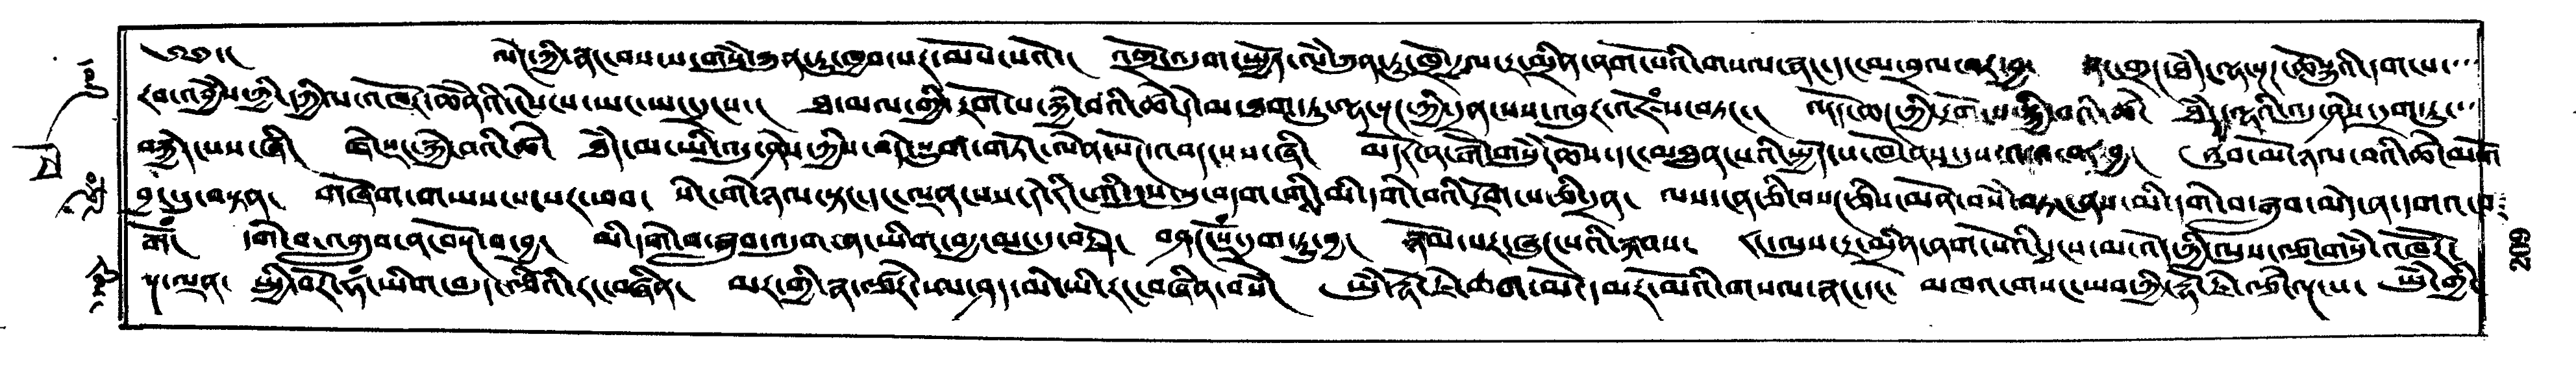ལེགས་ཀྱི་སྣང་བས་ས་གསུམ་ཀུན་ཏུ་ཁྱབ་པར་མོས་པའོ།། འགྲོ་འདུག་སྤྱོད་ལམ་ཀུན་ཏུ་ཁྲོ་རྒྱལ་རྟ་མགྲིན་ནག་པོའི་གསལ་སྣང་དང་མ་བྲལ་བར་བྱ། སྣང་གྲགས་རྟོག་པ་ཐམས་ཅད་ལྷ་སྔགས་ཆོས་སྐུ་དག་པ་
རབ་འབྱམས་ཀྱི་དཀྱིལ་འཁོར་ཆེན་པོའི་ངེས་པ་ཡང་ཡང་དྲངས། ཐ་མལ་གྱི་རྟོག་པ་སྐྱེས་པའི་ཚེ་དེ་མ་ཐག་ཏུ་ལྷ་སྔགས་ཀྱི་དྲན་པས་འབུར་འཇོམས་སུ་གཏོང་། འདོད་ཆགས་ཀྱི་རྟོག་པ་སྐྱེས་པའི་ཚེ། ཐམས་ཅད་ལྷའི་འདུ་ཤེས་དྲག་ཏུ་
སྐྱེད་པས་ཞི། ཞེ་སྡང་སྐྱེས་པའི་ཚེ། ཐམས་ཅད་མའི་འདུ་ཤེས་ཀྱིས་བདེ་སྡུག་གཏོང་ལེན་སོགས་འབད་པས་ཞི། མདོར་ན་སྒོ་གསུམ་ཆོས་དང་མཐུན་པའི་སྤྱོད་པ་ཁོ་ནས་དུས་འདའ་བར་བྱ། ནུབ་མོ་ཉལ་བའི་ཚེ་མགོ་
བྱང་དུ་བསྟན། གཞོགས་གཡས་པ་སར་ཕབ། སེང་གེ་ཉལ་སྟངས་དང་ལྡན་པས་དེ་རིང་གི་དུས་སུ་བདག་གིས་མི་དགེ་བའི་རྟོག་པ་ཅི་དྲན། ལས་ངན་ཅི་བསགས་ཞེས་མནོ་བསམ་བཏང་ནས་མི་དགེ་བ་བསྒྲུབས་མེད་ན་དགའ་བ་
སྒོམ། དགེ་བ་བསྒྲུབས་ན་བསྔོ་བ་བྱ། མི་དགེ་བ་བསྒྲུབས་འདུག་ན་ཡིག་བརྒྱ་མང་དུ་བརྗོད། བཤགས་སྡོམ་དྲག་ཏུ་བྱ། སྙོམ་པར་ཞུགས་པའི་སྐབས། རང་ལུས་རྟ་མགྲིན་ནག་པོའི་དྭངས་མ་འོད་ཀྱི་ལུས་རྩ་གསུམ་འཁོར་ལོ་
ལྔ་ལྡན། སྤྱི་བོར་ཧཾ་ཡིག་བདུད་རྩིའི་རང་བཞིན། མར་གྱི་སྣ་རྩེར་ཨ་ཤད་མེ་ཡི་རང་བཞིན་དུ་བསམ། ཡུམ་རྡོ་རྗེ་ཕག་མོ་དམར་མོའི་གསལ་སྣང་དང་། མཁའ་གསང་ཡབ་ཀྱི་རྡོ་རྗེ་རྩེ་ལྔ་པ། ཡུམ་གྱི་